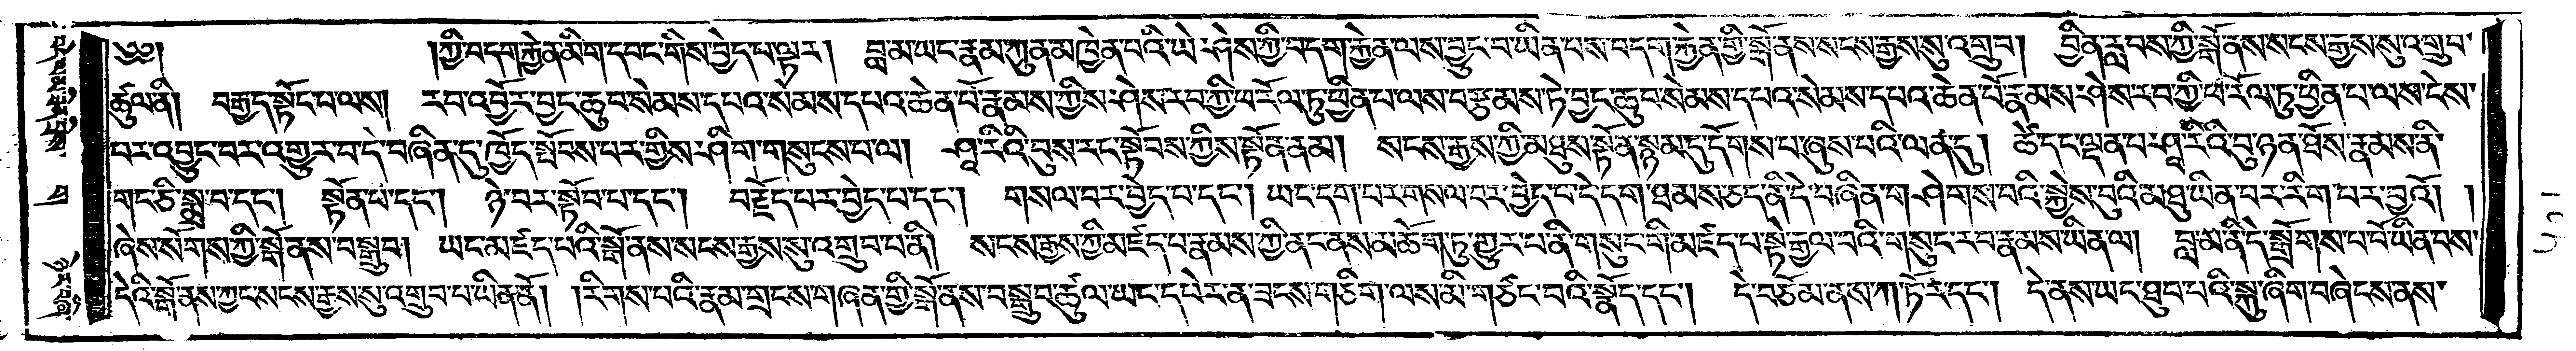༄༅། །ཀྱི་བདག་རྐྱེན་མིག་དབང་གིས་བྱེད་པ་ལྟར། བླ་མ་ཡང་རྣམ་ཀུན་མཁྱེན་པའི་ཡེ་ཤེས་ཀྱི་བདག་རྐྱེན་ལས་བྱུང་བ་ཡིན་པས་བདག་རྐྱེན་གྱི་སྒོ་ནས་སངས་རྒྱས་སུ་འགྲུབ། བྱིན་རླབས་ཀྱི་སྒོ་ནས་སངས་རྒྱས་སུ་འགྲུབ་
ཚུལ་ནི། བརྒྱད་སྟོང་པ་ལས། རབ་འབྱོར་བྱང་ཆུབ་སེམས་དཔའ་སེམས་དཔའ་ཆེན་པོ་རྣམས་ཀྱིས་ཤེས་རབ་ཀྱི་ཕ་རོལ་ཏུ་ཕྱིན་པ་ལས་བརྩམས་ཏེ་བྱང་ཆུབ་སེམས་དཔའ་སེམས་དཔའ་ཆེན་པོ་རྣམས་ཤེས་རབ་ཀྱི་ཕ་རོལ་ཏུ་ཕྱིན་པ་ལས་ངེས་
པར་འབྱུང་བར་འགྱུར་བ་དེ་བཞིན་དུ་ཁྱོད་སྤོབས་པར་གྱིས་ཤིག་གསུངས་པ་ལ། ཤ་རིའི་བུས་རང་སྟོབས་ཀྱིས་སྟོན་ནམ། སངས་རྒྱས་ཀྱི་མཐུས་སྟོན་སྙམ་དུ་དོགས་པ་ཞུས་པའི་ལན་དུ། ཚེ་དང་ལྡན་པ་ཤཱ་རིའི་བུ་ཉན་ཐོས་རྣམས་ནི་
གང་ཅི་སྨྲ་བ་དང་། སྟོན་པ་དང་། ཉེ་བར་སྟོབ་པ་དང་། བརྗོད་པར་བྱེད་པ་དང་། གསལ་བར་བྱེད་པ་དང་། ཡང་དག་པར་གསལ་བར་བྱེད་པ་དེ་དག་ཐམས་ཅད་ནི་དེ་བཞིན་གཤེགས་པའི་སྐྱེས་བུའི་མཐུ་ཡིན་པར་རིག་པར་བྱའོ། །
ཞེས་སོགས་ཀྱི་སྒོ་ནས་བསྒྲུབ། ཡང་མཛད་པའི་སྒོ་ནས་སངས་རྒྱས་སུ་འགྲུབ་པ་ནི། སངས་རྒྱས་ཀྱི་མཛད་པ་རྣམས་ཀྱི་ནང་ནས་མཆོག་ཏུ་གྱུར་པ་ནི་གསུང་གི་མཛད་པ་སྟེ་རྒྱལ་བའི་གསུང་རབ་རྣམས་ཡིན་ལ། བླ་མ་ནི་དེ་སྒྲོགས་པ་པོ་ཡིན་བས་
དེའི་སྒོ་ནས་ཀྱང་སངས་རྒྱས་སུ་འགྲུབ་པ་ཡིན་ནོ། །རིགས་པའི་རྣམ་གྲངས་གཞན་གྱི་སྒོ་ནས་བསྒྲུབ་ཚུལ་ཡང་དཔེར་ན་ཟངས་གཅིག་ལས་མི་གཙང་བའི་སྣོད་དང་། དེ་བཅོམ་ནས་ཀ་ཏོ་ར་དང་། དེ་ནས་ཡང་ཐུབ་པའི་སྐུ་ཞིག་བཞེངས་ནས་